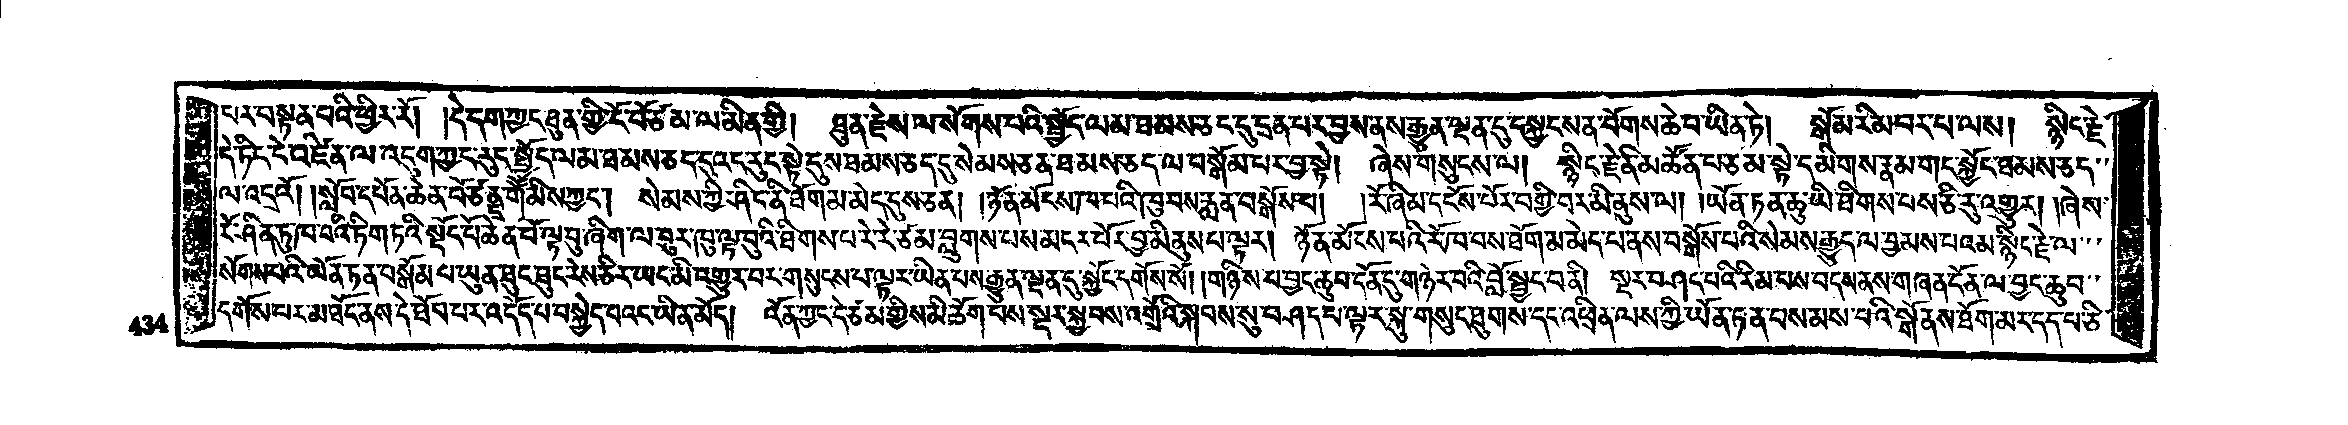པར་བསྟན་པའི་ཕྱིར་རོ། །དེ་དག་ཀྱང་ཐུན་གྱི་ངོ་བོ་ཙམ་ལ་མིན་གྱི། ཐུན་རྗེས་ལ་སོགས་པའི་སྤྱོད་ལམ་ཐམས་ཅད་དུ་དྲན་པར་བྱས་ནས་རྒྱུན་ལྡན་དུ་བསྐྱངས་ན་བོགས་ཆེ་བ་ཡིན་ཏེ། སྒོམ་རིམ་བར་པ་ལས། སྙིང་རྗེ་
དེ་ཏིང་ངེ་འཛིན་ལ་འདུག་ཀྱང་རུང་སྤྱོད་ལམ་ཐམས་ཅད་དུའང་རུང་སྟེ་དུས་ཐམས་ཅད་དུ་སེམས་ཅན་ཐམས་ཅད་ལ་བསྒོམ་པར་བྱ་སྟེ། ཞེས་གསུངས་ལ། སྙིང་རྗེ་ནི་མཚོན་པ་ཙམ་སྟེ་དམིགས་རྣམ་གང་སྐྱོང་ཐམས་ཅད་
ལ་འདྲའོ། །སློབ་དཔོན་ཆེན་པོ་ཙནྡྲ་གཽ་མིས་ཀྱང་། སེམས་ཀྱི་ཤིང་ནི་ཐོག་མ་མེད་དུས་ཅན། །ཉོན་མོངས་ཁ་བའི་ཁུ་བས་རླན་བསྒོས་པ། །རོ་ཞིམ་དངོས་པོར་བགྱི་བར་མི་ནུས་ལ། །ཡོན་ཏན་ཆུ་ཡི་ཐིགས་པས་ཅི་རུ་འགྱུར། །ཞེས་
རོ་ཤིན་ཏུ་ཁ་བའི་ཏིག་ཏའི་སྡོང་པོ་ཆེན་པོ་ལྟ་བུ་ཞིག་ལ་བུར་ཁུ་ལྟ་བུའི་ཐིགས་པ་རེ་རེ་ཙམ་བླུགས་པས་མངར་པོར་བྱ་མི་ནུས་པ་ལྟར། ཉོན་མོངས་པའི་རོ་ཁ་བས་ཐོག་མ་མེད་པ་ནས་བསྒོས་པའི་སེམས་རྒྱུད་ལ་བྱམས་པའམ་སྙིང་རྗེ་ལ་
སོགས་པའི་ཡོན་ཏན་བསྒོམ་པ་ཡུན་ཐུང་ཐུང་རེས་ཅིར་ཡང་མི་འགྱུར་བར་གསུངས་པ་ལྟར་ཡིན་པས་རྒྱུན་ལྡན་དུ་སྐྱོང་དགོས་སོ། །གཉིས་པ་བྱང་ཆུབ་དོན་དུ་གཉེར་བའི་བློ་སྦྱང་བ་ནི། སྔར་བཤད་པའི་རིམ་པས་བདས་ནས་གཞན་དོན་ལ་བྱང་ཆུབ་
དགོས་པར་མཐོང་ནས་དེ་ཐོབ་པར་འདོད་པ་བསྐྱེད་པའང་ཡིན་མོད། འོན་ཀྱང་དེ་ཙམ་གྱིས་མི་ཆོག་པས་སྔར་སྐྱབས་འགྲོའི་སྐབས་སུ་བཤད་པ་ལྟར་སྐུ་གསུང་ཐུགས་དང་འཕྲིན་ལས་ཀྱང་ཡོན་ཏན་བསམས་པའི་སྒོ་ནས་ཐོག་མར་དད་པ་ཅི་